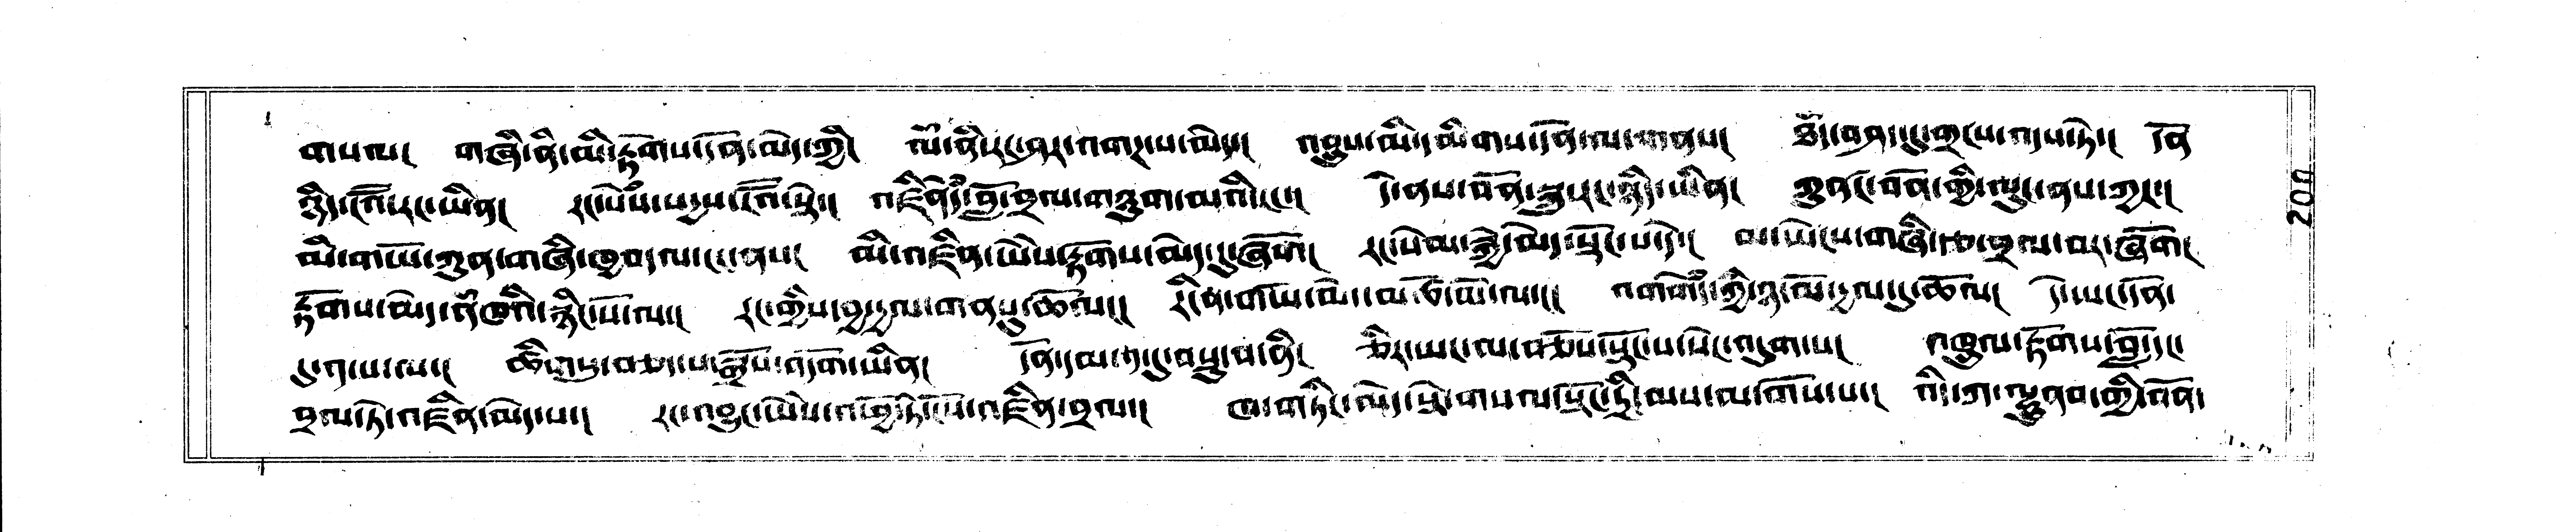གསལ། གཞི་ནི་མི་རྟོག་རྟོག་མེད་ཀྱིས། ལམ་ནི་རང་ཤར་འགག་པ་མེད། འབྲས་བུ་མི་དམིགས་དོན་ལ་གནས། ཐམས་ཅད་བཤད་དུ་གྲངས་འདས་ཏེ། དོན་ནི་
ངོའོ་རང་སེམས་ཡིན། རང་སེམས་སངས་རྒྱས་ཀྱི་ངོའོ་དེ། འཛིན་མེད་བློ་བྲལ་གཉུག་མའི་ངང་། དེ་ནས་བོན་སྐུ་རང་ཉིད་ཡིན། ཀུན་བཟང་བོན་གྱི་ལུང་ནས་ཀྱང་། 
མི་གཡོ་ཀུན་གཞི་ཁྱབ་གདལ་ཀྱི་ངང་ནས། མི་འཛིན་ཡེ་ཤེས་རྟོག་མེད་དུ་ཞོག རང་སེམས་མ་སྐྱེས་སྟོང་པ་དེ། མ་ཡིན་གཞི་རྩལ་བྲལ་བར་ཞོག 
རྟོག་མེད་ནམ་མཁའ་སྟོང་པ་ལ། རང་གྲོལ་གྱི་བྱ་རྒྱས་གནས་སུ་ཆོལ། རང་བཞིན་གཡོ་མེད་མཚོ་མོ་ལ། འགག་མེད་ཀྱི་ཉ་མོ་རྐྱལ་དུ་ཆོལ། དེ་ཡང་དོན་
དུ་གཅིག་པ་ལ། ཚིགས་སུ་བཤད་པ་སྒྲོས་འདོག་ཡིན། དོན་དམ་གཅིག་ཏུ་བསྡུས་པ་ནི། ཅི་ཡང་མ་བཅོས་སྟོང་སང་ངེ་འདུག་པ། འཁྲུལ་རྟོག་བློ་དང་
བྲལ་ཏེ་འཛིན་པ་མེད་པ། རང་འབྱུང་ཡེ་ཤེས་འཕྱོ་སྟེ་ངོས་འཛིན་བྲལ་བ། མཁའ་སྟེང་མེད་དེ་གསལ་སྟོང་དྲི་མས་མ་གོས་པ། འདི་ཀ་ལྷུན་གྲུབ་ཀྱིས་བོན་